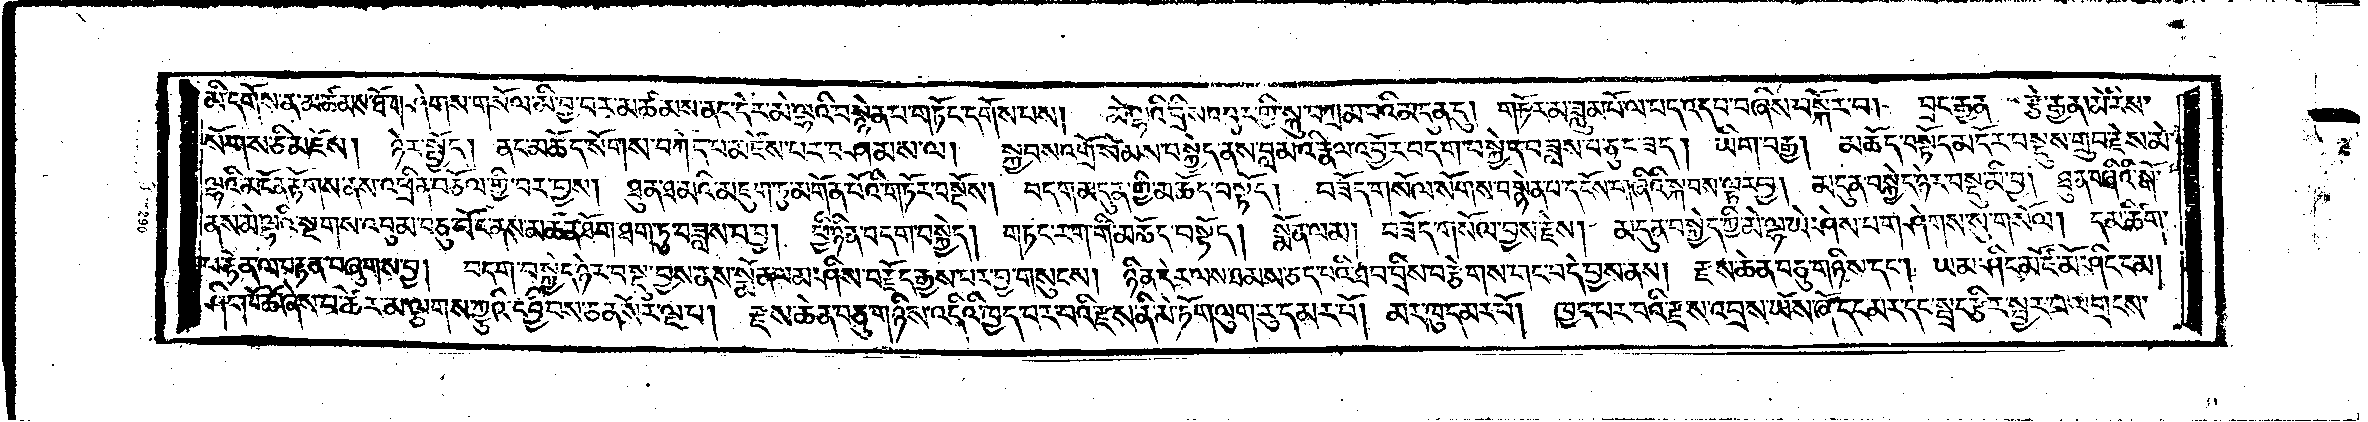མི་དགོས་ན་མཚམས་ཐོ་གཤེགས་གསོལ་མི་བྱ་བར་མཚམས་ནང་དེར་མེ་ལྷའི་བསྙེན་པ་གཏོང་དགོས་པས། མེ་ལྷའི་བྲིས་འབུར་གྱི་སྐུ་བཀྲམ་བའི་མདུན་དུ། གཏོར་མ་ཟླུམ་པོ་ལ་པད་འདབ་བཞིས་བསྐོར་བ། བྲང་རྒྱན་རྩེ་རྒྱན། མེ་རིས་
སོགས་ཅི་མཛེས། ཉེར་སྤྱོད། ནང་མཆོད་སོགས་བཀད་པ་མཛེས་པར་བཤམས་ལ། སྐྱབས་འགྲོ་སེམས་བསྐྱེད་ནས་བླ་མའི་རྣལ་འབྱོར་བདག་བསྐྱེད་བཟླས་བ་ཅུང་ཟད། ཡིག་བརྒྱ། མཆོད་བསྟོད་མདོར་བསྡུས་གྲུབ་རྗེས་མེ་
ལྷའི་མངོན་རྟོགས་ནས་འཕྲིན་བཅོལ་གྱི་བར་བྱས། ཐུན་ཐ་མའི་མཇུག་ཏུ་མགོན་པོའི་གཏོར་བསྔོས། བདག་མདུན་གྱི་མཆོད་བསྟོད། བཟོད་གསོལ་སོགས་བསྙེན་པ་དངོས་གཞིའི་སྐབས་ལྟར་བྱ། མདུན་བསྐྱེད་ཉེར་བསྡུ་མི་བྱ། ཐུན་བཞིའི་སྒོ་
ནས་མེ་ལྷའི་སྔགས་འབུམ་བཅུ་བོང་ནས་མཚན་ཐོག་ཐག་ཏུ་བཟླས་བ་བྱ། ཕྱི་ཉིན་བདག་བསྐྱེད། གཏང་རག་གི་མཆོད་བསྟོད། སྨོན་ལམ། བཟོད་གསོལ་བྱས་རྗེས། མདུན་བསྐྱེད་ཀྱི་མེ་ལྷ་ཡེ་ཤེས་པ་གཤེགས་སུ་གསོལ། དམ་ཚིག་
པ་རྟེན་ལ་བརྟན་བཞུགས་བྱ། བདག་བསྐྱེད་ཉེར་བསྡུ་བྱས་ནས་སྨོན་ལམ་ཤིས་བརྗོད་རྒྱས་པར་བྱ་གསུངས། ཉིན་དེར་ལས་ཐམས་ཅད་པའི་ཐབ་བྲིས་བརྩེགས་གང་བདེ་བྱས་ནས། རྫས་ཆེན་བཅུ་གཉིས་དང་། ཡམ་ཤིང་མཛོ་མོ་ཤིང་ངམ།
ཤིང་ཁོ་ཆོ། ཞེས་བ་ཚེར་མ་ལྕགས་ཀྱུའི་དབྱིབས་ཅན་སོར་ལྔ་པ། རྫས་ཆེན་བཅུ་གཉིས་འདིའི་ཁྱད་པར་བའི་རྫས་ནི་མེ་ཏོག་ལུག་རུ་དམར་པོ། མར་ཁུ་དམར་པོ། ཁྱད་པར་བའི་རྫས་འབྲས་ཡོས་ཞོ་དང་མར་དང་སྦྲང་རྩིར་སྦྱར་བ་ལ་གྲངས་